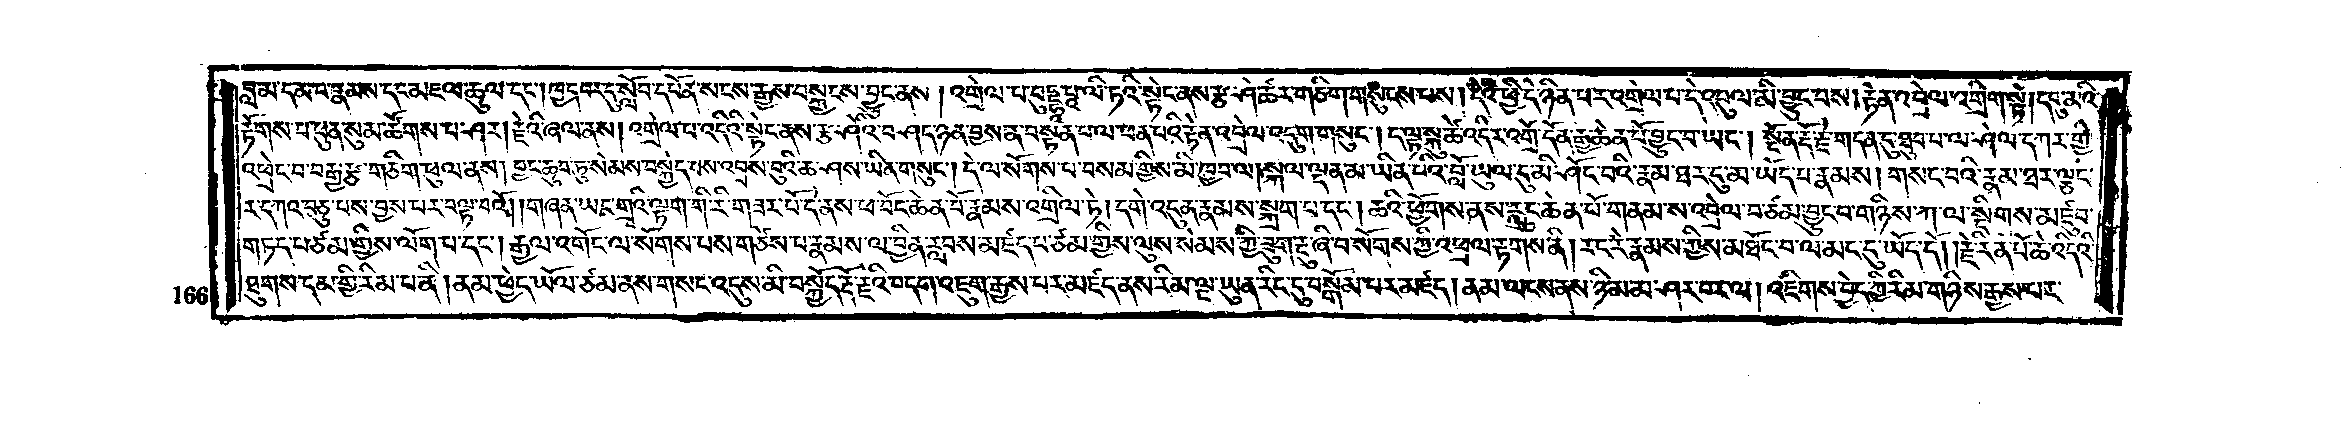བླ་མ་དམ་པ་རྣམས་དང་མཇལ་ཚུལ་དང་། ཁྱད་པར་དུ་སློབ་དཔོན་སངས་རྒྱས་བསྐྱངས་བྱུང་ནས། འགྲེལ་པ་བུདྡྷཱ་པཱ་ལི་ཏའི་སྟེང་ནས་རྩ་ཤེ་ཚར་གཅིག་གསུངས་པས། དེའི་ཕྱི་དེ་ཉིན་པར་འགྲེལ་པ་དེ་འབུལ་མི་བྱུང་བས། རྟེན་འབྲེལ་འགྲིག་སྟེ། དབུ་མའི་
རྟོགས་པ་ཕུན་སུམ་ཚོགས་པ་ཤར། རྗེའི་ཞལ་ནས། འགྲེལ་པ་འདིའི་སྟེང་ནས་རྩ་ཤེའི་བཤད་ཉན་བྱས་ན་བསྟན་པ་ལ་ཕན་པའི་རྟེན་འབྲེལ་འདུག་གསུང་། ད་ལྟ་སྐུ་ཚེ་འདིར་འགྲོ་དོན་རྒྱ་ཆེན་པོ་བྱུང་བ་ཡང་། སྔོན་རྡོ་རྗེ་གདན་དུ་ཐུབ་པ་ལ་ཤེལ་དཀར་གྱི་
འཕྲེང་བ་བརྒྱ་རྩ་གཅིག་ཕུལ་ནས། བྱང་ཆུབ་ཏུ་སེམས་བསྐྱེད་པས་འབྲས་བུའི་ཆ་ཤས་ཡིན་གསུང་། དེ་ལ་སོགས་པ་བསམ་གྱིས་མི་ཁྱབ་ལ། སྐལ་ལྡན་མ་ཡིན་པའི་བློ་ཡུལ་དུ་མི་ཤོང་བའི་རྣམ་ཐར་དུ་མ་ཡོད་པ་རྣམས། གསང་བའི་རྣམ་ཐར་ལྕང་
ར་དཀའ་བཅུ་པས་བྱས་པར་བལྟ་བའོ། །གཞན་ཡང་གྲྭའི་ལྟག་གི་རི་གཟར་པོ་དེ་ནས་ཕ་བོང་ཆེན་པོ་རྣམས་འགྲིལ་ཏེ། དགེ་འདུན་རྣམས་སྐྲག་པ་དང་། ཆའི་ཕྱོགས་ནས་རླུང་ཆེན་པོ་གནམ་ས་འབྲེལ་བ་ཙམ་བྱུང་བ་གཉིས་ཀ་ལ་སྡིགས་མཛུབ་
གཏད་པ་ཙམ་གྱིས་ལོག་པ་དང་། རྒྱལ་འགོང་ལ་སོགས་པས་གཙེས་པ་རྣམས་ལ་བྱིན་རླབས་མཛད་པ་ཙམ་གྱིས་ལུས་སེམས་ཀྱི་ཟུག་རྡུ་ཞི་བ་སོགས་ཀྱི་འཕྲལ་རྟགས་ནི། རང་རེ་རྣམས་ཀྱིས་མཐོང་བ་ལ་མང་དུ་ཡོད་དོ། །རྗེ་རིན་པོ་ཆེ་འདིའི་
ཐུགས་དམ་གྱི་རིམ་པ་ནི། ནམ་ཕྱེད་ཡོལ་ཙམ་ནས་གསང་འདུས་མི་བསྐྱོད་རྡོ་རྗེའི་བདག་འཇུག་རྒྱས་པར་མཛད་ནས་རིམ་ལྔ་ཡུན་རིང་དུ་བསྒོམ་པར་མཛད། ནམ་ལངས་ནས་ཉི་མ་མ་ཤར་བར་ལ། འཇིགས་བྱེད་ཀྱི་རིམ་གཉིས་རྒྱས་པར་